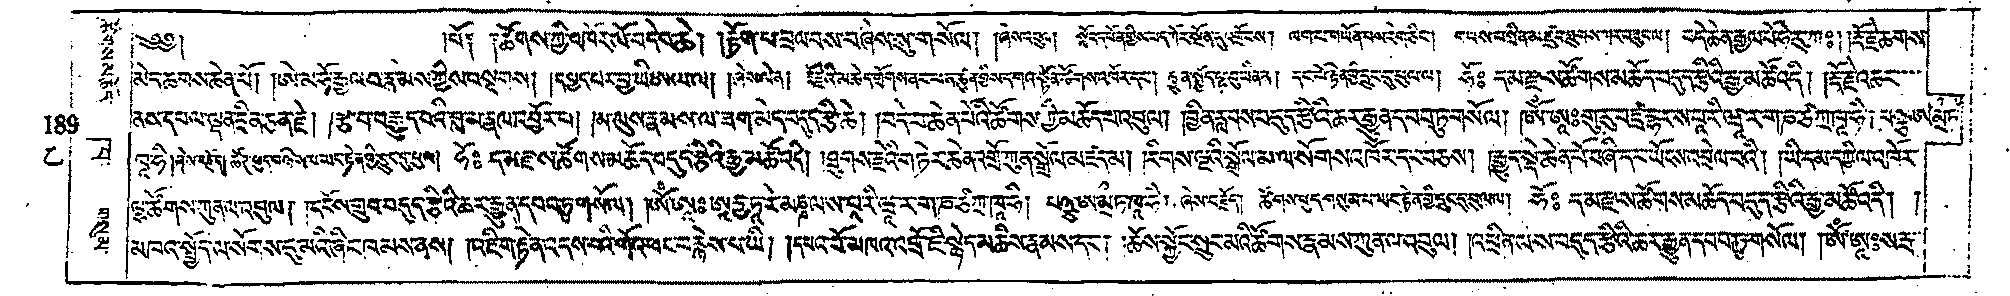༄༅། །པོ༑ ༑ཚོགས་ཀྱི་འཁོར་ལོ་བདེ་བ་ཆེ། །རྟོག་པ་བྲལ་བས་བཞེས་སུ་གསོལ། །ཞེས་འབུལ། སློབ་དཔོན་གྱིས་པད་ཀོར་སྔོན་དུ་འགྲོང་བས། ལག་པ་གཡོན་པས་རེག་ཅིང་། གཡས་པ་སྲིན་མཛུབ་ཐུགས་ཀར་བཟུང་ལ།  བདེ་ཆེན་རྒྱལ་པོ་ཧེ་རུ་ཀཿ། །རྡོ་རྗེ་ཆགས་
མེད་ཆགས་ཆེན་པོ། །ཨེ་མ་ཧོ་རྒྱལ་བ་རྣམས་ཀྱིས་བསྔགས། །དཔྱད་པར་བྱ་ཡི་ཨ་ལ་ལ། །ཞེས་ལེན། རྡོ་རྗེའི་མཆེད་གྲོགས་ནང་ཕན་ཚུན་གྱིས་དགའ་སྟོན་ཚོགས་འཁོར་དང་། རྒྱུན་སྤྱོད་ལྟ་བུ་ཡིན་ན། དང་པོ་རྟེན་གྱི་དྲུང་དུ་ཕུལ་ལ།  ཧོཿ དམ་རྫས་ཚོགས་མཆོད་བདུད་རྩིའི་རྒྱ་མཚོ་འདི། །རྡོ་རྗེ་འཆང་་་
ནས་དཔལ་ལྡན་དྲིན་ཅན་རྗེ། །རྩ་བ་བརྒྱུད་བའི་བླ་མ་རྣལ་འབྱོར་པ། །མ་ལུས་རྣམས་ལ་ཟག་མེད་བདུད་རྩི་ཆེ། །བདེ་བ་ཆེན་པོའི་ཚོགས་ཀྱི་མཆོད་པ་འབུལ། །བྱིན་རླབས་བདུད་རྩིའི་ཆར་རྒྱུན་དབབ་ཏུ་གསོལ། །ཨོཾ་ཨཱཿགུ་རུ་བཛྲ་དྷ་ར་ས་པཱ་རི་ཝཱ་ར་ག་ཎ་ཙཀྲ་ཁཱ་ཧི། པཉྩ་ཨམྲཏ་
ཁཱ་ཧི་།ཞེས་བརྗོད། ཚོཌ་ཕུད་གཉིས་པ་ཡང་རྟེན་གྱི་དྲུང་དུ་ཕུལ།  ཧོཿ དམ་རྫས་ཚོགས་མཆོད་བདུད་རྩིའི་རྒྱ་མཚོ་འདི། །ཐུགས་རྗེའི་གཏེར་ཆེན་འགྲོ་ཀུན་སྒྲོལ་མཛད་མ། །རིགས་ལྔའི་སྒྲོལ་མ་ལ་སོགས་འཁོར་དང་བཅས། །རྒྱུད་སྡེ་ཆེན་པོ་བཞི་དང་ཡོངས་འབྲེལ་བའི། །ཡི་དམ་དཀྱིལ་འཁོར་
ལྷ་ཚོགས་ཀུན་ལ་འབུལ། །དངོས་གྲུབ་བདུད་རྩིའི་ཆར་རྒྱུན་དབབ་ཏུ་གསོལ། །ཨོཾ་ཨཱཿཨཱརྱ་ཏཱ་རེ་མཎྜ་ལ་ས་པཱ་རི་ཝཱ་ར་ག་ཎ་ཙཀྲ་ཁཱ་ཧི། པཉྩ་ཨ་མྲྀ་ཏ་ཁཱ་ཧི། ཞེས་བརྗོད། ཚོགས་ཕུད་གསུམ་པ་ཡང་རྟེན་གྱི་དྲུང་དུ་ཕུལ་ལ། ཧོཿ དམ་རྫས་ཚོགས་མཆོད་བདུད་རྩིའི་རྒྱ་མཚོ་འདི། །
མཁའ་སྤྱོད་ལ་སོགས་དུ་མའི་ཞིང་ཁམས་ནས། །འཇིག་རྟེན་འདས་བའི་གོ་འཕང་བརྙེས་པ་ཡི། །དཔའ་བོ་མཁའ་འགྲོ་ཇི་སྙེད་མཆིས་རྣམས་དང་། །ཆོས་སྐྱོང་སྲུང་མའི་ཚོགས་རྣམས་ཀུན་ལ་འབུལ། །འཕྲིན་ལས་བདུད་རྩིའི་ཆར་རྒྱུན་དབབ་ཏུ་གསོལ། །ཨོཾ་ཨཱཿ སརྦ་་་